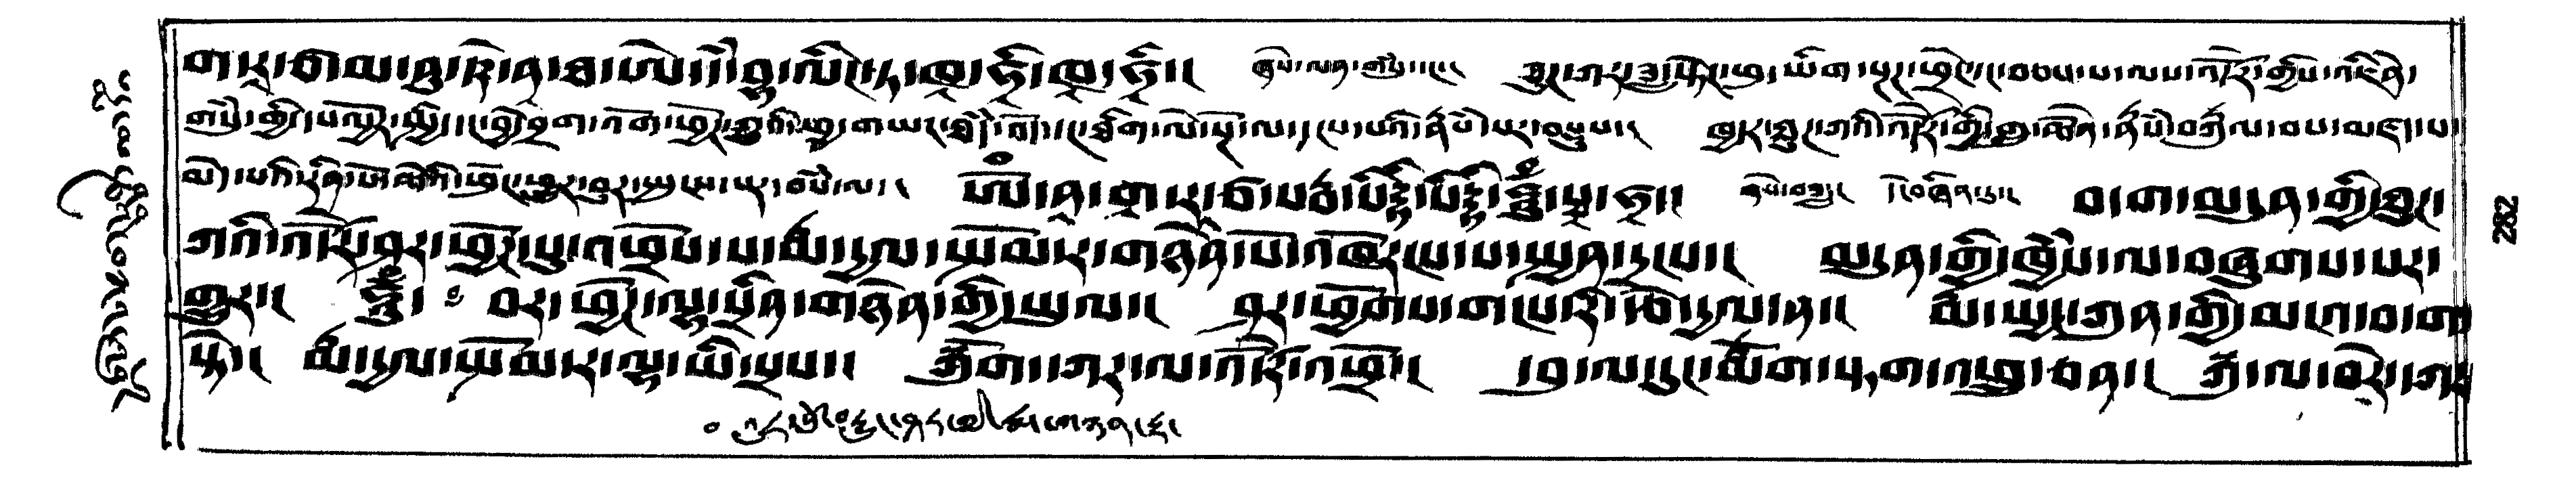ག་རཱ་ཙ་མ་ནུ་རེ་ནཱ་ཐ་ཨེ་དམ་བྷ་ལིང་ཏ་ཁཱ་ཧཱི་ཁཱ་ཧཱི།ཞེས་ལན་གསུམ་དང་། ཐུགས་ཀར་ཟླ་སྟེང་ཕུཿཡིག་སྔགས་ཕྲེང་དང་བཅས་པ་ལས་འོད་ཟེར་གྱིས་འཇིག་རྟེན་
གསུམ་གྱི་དཔལ་འབྱོར་སྤྱི་དང་བྱེ་བྲག་འོག་ཕྱོགས་ཀླུ་ཡི་ཕྱྭ་གཡང་ཐམས་ཅད་འོད་དང་ཐིག་ལེ་སྔོ་ལ་དངས་པའི་རྣམ་པར་བསྡུས། །ཁྱད་པར་ཐུགས་ཀའི་འོད་ཟེར་གྱིས་གླུ་ཆེན་པོ་རྣམས་བསྐུལ་བས་མཛད་པ་
མེད་པའི་རིན་པོ་ཆེའི་ཕུང་པོ་ཕྱུར་བུར་སྤུངས་པར་བསམ་ལ། ཨོཾ་ནཱ་གཱ་རཱ་ཙ་སརྦ་སིདྡྷི་སིདྡྷི་ཧཱུྃ་སྭ་ཧཱ། ཞེས་བཟླ། དེ་བཞིན་དུ། བདག་མདུན་གྱི་ཐུགས་
ཀའི་འོད་ཟེར་ཤར་ཕྱོགས་སུ་འཕྲོས་པས་རྨ་རྒྱལ་སྤོམ་ར་གཉེན་པོ་འཁོར་དང་བཅས་པ་སྤྱན་དྲངས། མདུན་གྱི་ཁྱམས་ལ་བཞུགས་པར་
གྱུར། ཧཱུྃ། བར་ཕྱོགས་ལྷ་སྲིན་གཉེན་གྱི་ཡུལ། །ཤར་ཕྱོགས་གངས་རི་རྩེ་རྒྱལ་ན། །རྨ་གཡང་ཀུན་གྱི་མངའ་བདག་
སྟེ། །རྨ་རྒྱལ་སྤོམ་ར་ལྷ་ཡི་སྲས། །སྐུ་དོག་དཀར་ལ་འོད་ཟེར་འཕྲོ། །དབུ་ལ་དུང་རྨོག་སྟག་འཕྲུ་ཅན། །སྐུ་ལ་བེར་དཀར་